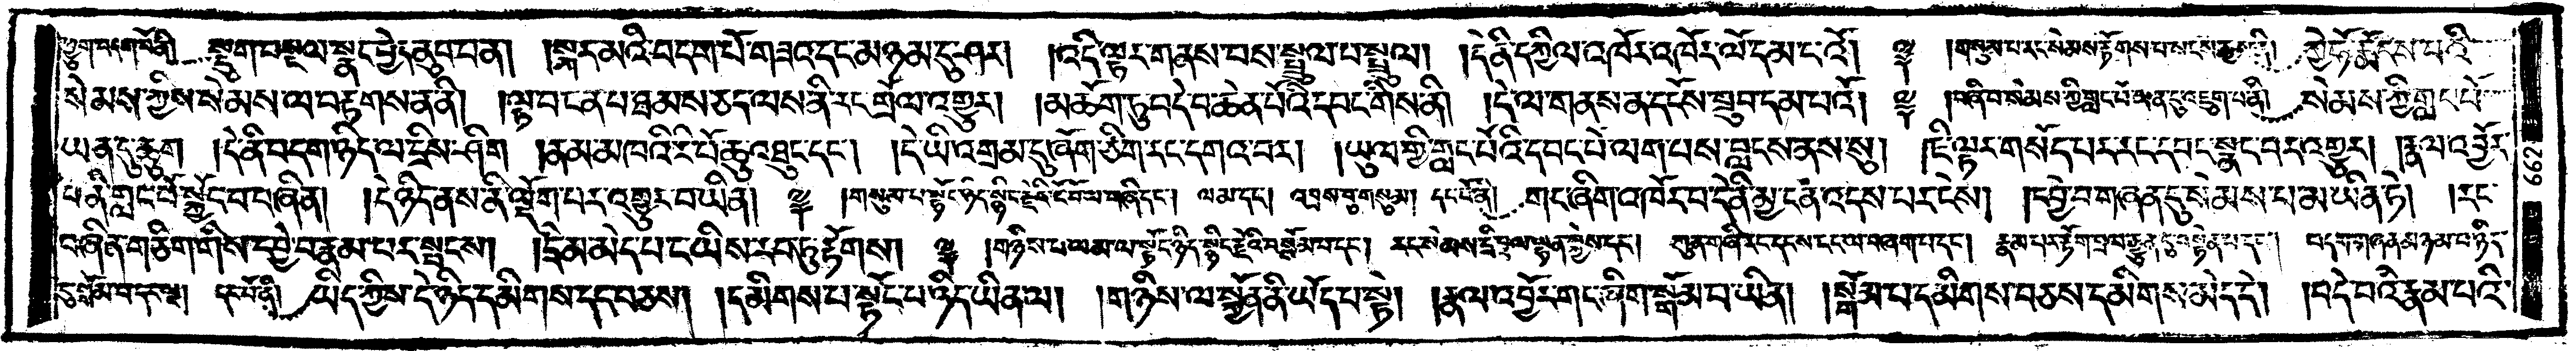ཕྱུག་འདག་བོ་ནི། སྡུག་བསྔལ་སྣང་བྱེད་ནུབ་བ་ན། །སྐར་མའི་བདག་པོ་གཟའ་དང་མཉམ་དུ་ཤར། །འདི་ལྟར་གནས་བས་སྤྲུལ་པ་སྤྲུལ། །དེ་ནི་དཀྱིལ་འཁོར་འཁོར་ལོ་དམ་པའོ། ༈ །གསུམ་པར་རང་སེམས་རྟོགས་པ་སངས་རྒྱས་ནི། ཀྱེ་ཧོ་རྨངས་པའི་
སེམས་ཀྱིས་སེམས་ལ་བརྟགས་ན་ནི། །ལྟ་བ་ངན་པ་ཐམས་ཅད་ལས་ནི་རང་གྲོལ་འགྱུར། །མཆོག་ཏུ་བདེ་བ་ཆེན་པོའི་དབང་གིས་ནི། །དེ་ལ་གནས་ན་དངོས་གྲུབ་དམ་པའོ། ༈ །བཞི་པ་སེམས་ཀྱི་གླང་པོ་ལན་དུ་འཇུག་པ་ནི། སེམས་ཀྱི་གླང་པོ་
ཡན་དུ་ཆུག །དེ་ནི་བདག་ཉིད་ལ་དྲིས་ཤིག །ནམ་མཁའི་རི་པོ་ཆུ་འཐུང་དང་། །དེ་ཡི་འགྲམ་དུ་ཞོག་ཅིག་རང་དགའ་བར། །ཡུལ་གྱི་གླང་པོའི་དབང་པོ་ལག་པས་བླངས་ནས་སུ། །ཇི་ལྟར་གསོད་པར་རང་དབང་སྣང་བར་འགྱུར། །རྣལ་འབྱོར་
པ་ནི་གླང་པོ་སྐྱོང་བ་བཞིན། །དེ་ཉིད་ནས་ནི་ལྡོག་པར་འགྱུར་བ་ཡིན། ༈ །གསུམ་པ་སྟོང་ཉིད་སྙིང་རྗེའི་ངོ་པོ་ལ་གཞི་དང་། ལམ་དང་། འབྲས་བུ་གསུམ། དང་པོ་ནི། གང་ཞིག་འཁོར་བ་དེ་ནི་མྱ་ངན་འདས་པར་ངེས། །དབྱེ་བ་གཞན་དུ་སེམས་པ་མ་ཡིན་ཏེ། །དང་
བཞིན་གཅིག་གིས་དབྱེ་བ་རྣམ་པར་སྤངས། །དྲི་མ་མེད་པ་ང་ཡིས་རབ་ཏུ་རྟོགས། ༈ །གཉིས་པ་ལམ་ལ་སྟོང་ཉིད་སྙིང་རྗེའི་བསྒོམ་པ་དང་། རང་སེམས་དྲི་བྲལ་ལྷན་སྐྱེས་དང་། ཀུན་གཞི་རང་དངས་ངང་ལ་བཞག་པ་དང་། རྣམ་པར་རྟོག་བྲལ་རྒྱུན་དུ་བསྟེན་པ་དང་། བདག་གཞན་མཉམ་པ་ཉིད་
དུ་སྒོམ་པ་དང་ལྔ། དང་པོ་ནི། ཡིད་ཀྱིས་དེ་ཉིད་དམིགས་དད་བཅས། །དམིགས་པ་སྟོང་པ་ཉིད་ཡིན་ལ། །གཉིས་ལ་སྐྱོན་ནི་ཡོད་པ་སྟེ། །རལ་འབྱོར་གང་ཞིག་སྒོམ་པ་ཡིན། །སྒོམ་པ་དམིགས་བཅས་དམིགས་མེད་དེ། །བདེ་བའི་རྣམ་པའི་